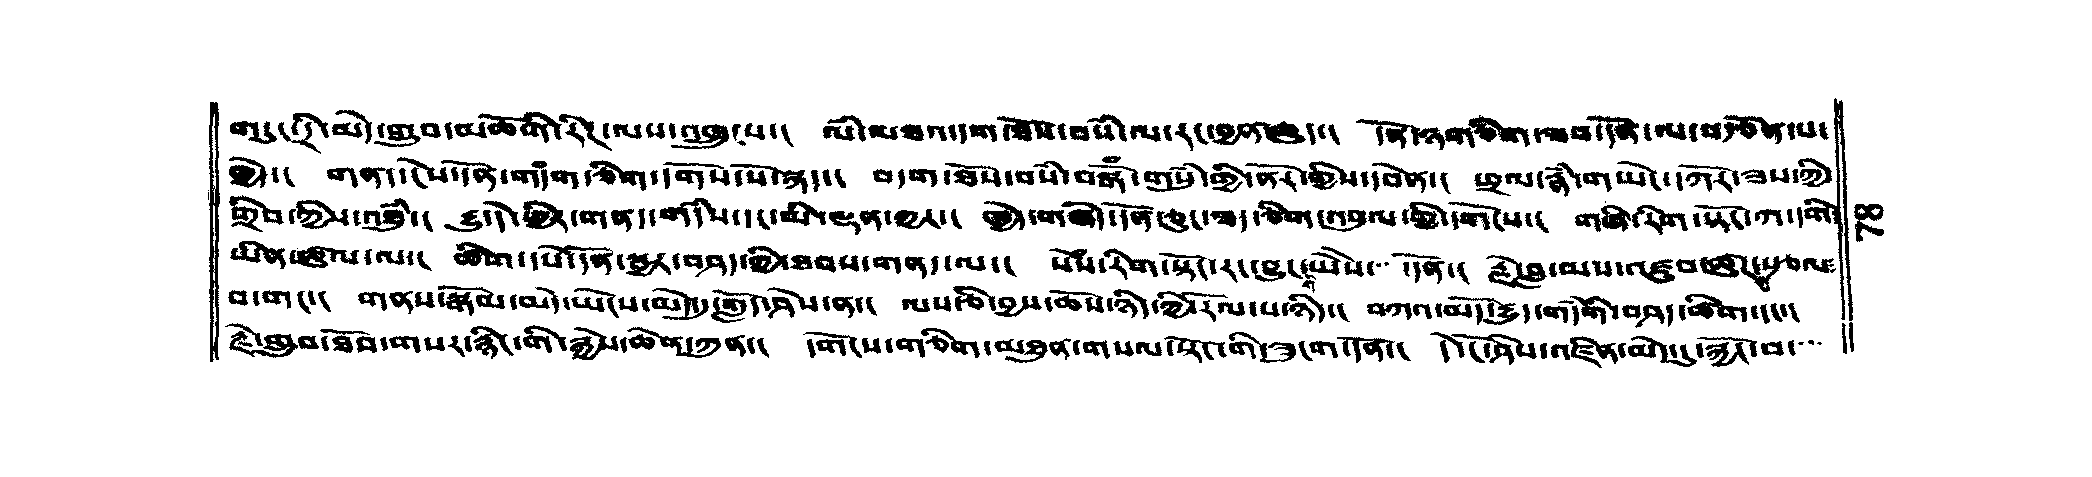།གདུང་དྲི་མེད་གྲུབ་མཆོག་གི་རིགས་ལས་འཁྲུངས། །ལམ་མཐའ་དག་ཐོས་བསམ་ལ་རང་བྱན་ཚུད། །དོན་ཉག་གཅིག་ཟབ་དོན་ལ་བརྩོན་པ་
ཁྱོད། །གནད་ངེས་དོན་གདམས་ངག་གཅིག་དགོས་སོ་སྐད། །བདག་ཐོས་བསམ་སྒོམ་གྱི་ནོར་གྱིས་དབེན། །ཕྲལ་རྣམ་གཡེང་དཀོར་ཟས་ཀྱི་
གྲིབ་ཀྱིས་འཐུམས། །རྒྱུ་དེ་ཕྱིར་གནད་གདམས་དང་མི་ལྡན་པར། །ཁྱེད་བཞེད་དོན་ཅུང་ཟད་གཅིག་འབུལ་གྱི་དགོངས། །གཞི་རིག་སྟོང་ཀ་དག་གི་
ཡིན་ཚུལ་ལ། །ཚིག་དཔེ་དོན་སྦྱར་བཤད་ཀྱི་ཐབས་གནད་ལ། །སེམས་རིག་སྟོང་རང་བྱུང་གི་ཡེ་ཤཻས་དོན། །རྗེ་བླ་མས་འཛུབ་ཚུགས་སུ་སྩལ་
བ་གང་། །གནད་སྒོམ་མེད་ཡེངས་མེད་དུ་གློད་ཤེས་ན། །ལས་ཅི་བྱས་ཆོས་ཉིད་ཀྱི་རོལ་པ་ཉིད། །བཀའ་མདོ་རྒྱུད་གདམ་ངག་གི་བཤད་ཚིག་དང་། །
རྗེ་གྲུབ་ཐོབ་གསར་རྙིང་གི་སྐྱེས་ཆེན་ཀུན། །དགོངས་གཅིག་མཐུན་གསལ་སྟོང་གི་ཟུང་འཇུག་དོན། །དེ་ངོ་ཤེས་འཛིན་མེད་དུ་སྐྱོང་བ་